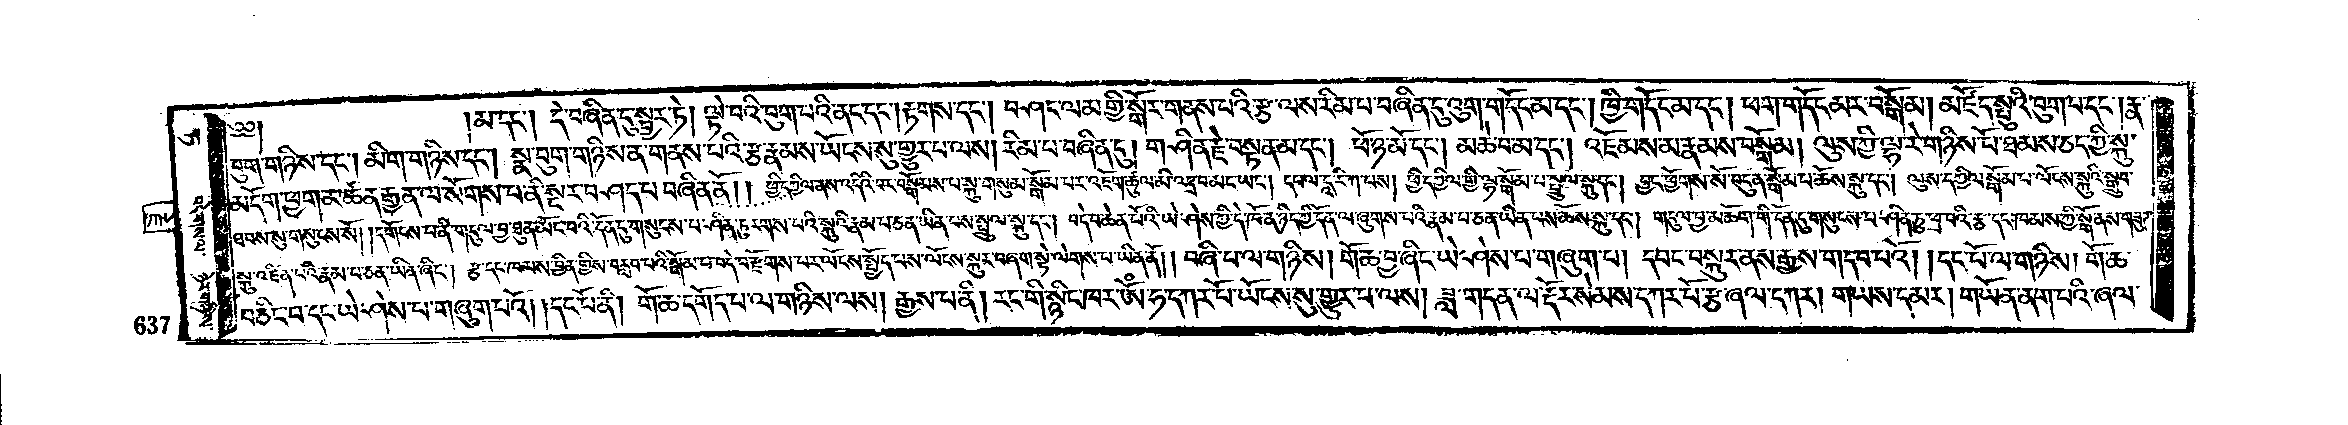༄༅། །མ་དང་། དེ་བཞིན་དུ་སྦྱར་ཏེ། ལྟེ་བའི་བུག་པའི་ནང་དང་། རྟགས་དང་། བཤང་ལམ་གྱི་སྒོར་གནས་པའི་རྩ་ལས་རིམ་པ་བཞིན་དུ་འུག་གདོང་མ་དང་། ཁྱི་གདོང་མ་དང་། ཕག་གདོང་མར་བསྒོམ། མཛོད་སྤུའི་བུག་པ་དང་། རྣ་
བུག་གཉིས་དང་། མིག་གཉིས་དང་། སྣ་བུག་གཉིས་ན་གནས་པའི་རྩ་རྣམས་ཡོངས་སུ་གྱུར་པ་ལས། རིམ་པ་བཞིན་དུ། གཤིན་རྗེ་བསྟན་མ་དང་། ཕོ་ཉ་མོ་དང་། མཆེ་བ་མ་དང་། འཇོམས་མ་རྣམས་བསྒོམ། ལུས་ཀྱི་ལྷ་རེ་གཉིས་པོ་ཐམས་ཅད་ཀྱི་སྐུ་
མདོག་ཕྱག་མཚན་རྒྱན་ལ་སོགས་པ་ནི་སྔར་བཤད་པ་བཞིན་ནོ། །ཕྱི་དཀྱིལ་ནས་འདིའི་བར་བསྒོམས་པ་སྐུ་གསུམ་སྒོམ་པར་འཇོག་ཚུལ་མི་འདྲ་བ་མང་ཡང་། དཔལ་དཱ་རི་ཀ་པས། ཕྱི་དཀྱིལ་གྱི་ལྷ་སྒོམ་པ་སྤྲུལ་སྐུ་དང་། བྱང་ཕྱོགས་སོ་བདུན་སྒོམ་པ་ཆོས་སྐུ་དང་། ལུས་དཀྱིལ་སྒོམ་པ་ལོངས་སྐུའི་སྒྲུབ་
ཐབས་སུ་གསུངས་སོ། །དགོངས་པ་ནི་གདུལ་བྱ་ཐུན་མོང་བའི་དོན་དུ་གསུངས་པ་ཤིན་ཏུ་རགས་པའི་སྐུའི་རྣམ་པ་ཅན་ཡིན་པས་སྤྲུལ་སྐུ་དང་། བདེ་བ་ཆེན་པོའི་ཡེ་ཤེས་ཀྱི་དེ་ཁོ་ན་ཉིད་ཀྱི་དོན་ལ་ཞུགས་པའི་རྣམ་པ་ཅན་ཡིན་པས་ཆོས་སྐུ་དང་། གདུལ་བྱ་མཆོག་གི་དོན་དུ་གསུངས་པ་ཤིན་ཏུ་ཕྲ་བའི་རྩ་དང་ཁམས་ཀྱི་སྒོ་ནས་གཟུགས་
སྐུ་འཛིན་པའི་རྣམ་པ་ཅན་ཡིན་ཞིང་། རྩ་དང་ཁམས་བྱིན་གྱིས་བརླབ་པའི་སྒོམ་པ་བདེ་བ་རྫོས་པར་ལོངས་སྤྱོད་པས་ལོངས་སྐུར་བཞག་སྟེ་ལེགས་པ་ཡིན་ནོ། །བཞི་པ་ལ་གཉིས། གོ་ཆ་བྱ་ཞིང་ཡེ་ཤེས་པ་གཞུག་པ། དབང་བསྐུར་ནས་རྒྱས་གདབ་པའོ། །དང་པོ་ལ་གཉིས། གོ་ཆ་
བཅིང་བ་དང་ཡེ་ཤེས་པ་གཞུག་པའོ། །དང་པོ་ནི། གོ་ཆ་དགོད་པ་ལ་གཉིས་ལས། རྒྱས་པ་ནི། རང་གི་སྙིང་ཁར་ཨོཾ་ཧ་དཀར་པོ་ཡོངས་སུ་གྱུར་པ་ལས། ཟླ་གདན་ལ་རྡོར་སེམས་དཀར་པོ་རྩ་ཞལ་དཀར། གཡས་དམར། གཡོན་ནག་པའི་ཞལ་